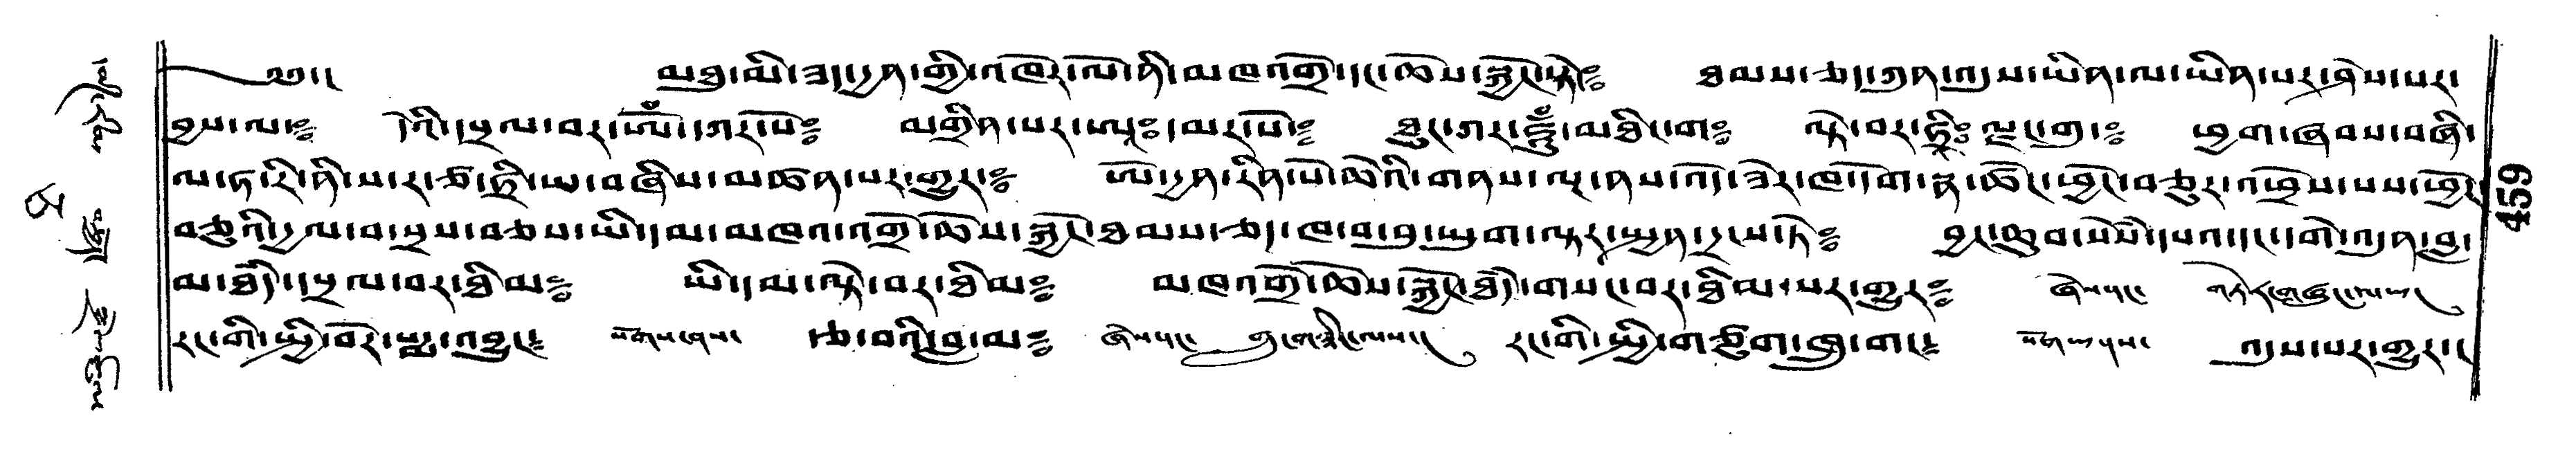མཐུ་མི་ཟད་རྒྱན་གྱི་འཁོར་ལོ་ནི་མཁའ་འགྲོ་དང་ཆོས་སྐྱོང་སྟེ༔ ཐམས་ཅད་ཀུན་འདུས་ཡིན་པ་ལ་ཡིན་པར་ཤེས་པར་
བྱས་ལ༔ དེའི་དཔྲལ་བར་ཨོཾ་དཀར་པོ༔ མགྲིན་པར་ཨཱཿདམར་པོ༔ ཐུགས་ཀར་ཧཱུྃ་མཐིང་ག༔ ལྟེ་བར་ཧྲཱིཿལྗང་གུ༔ ཕྱག་ཞབས་བཞི་
ལ་ཧ་རི་ནི་ས་ར་ཙ་ཧྲི་ཡ་བཞིས་མཚན་པར་གྱུར༔ ཨོ་རྒྱན་རིན་པོ་ཆེའི་གནས་ལྔ་ནས་འོད་ཟེར་ཁ་དོག་སྣ་ཚོགས་ཕྱོགས་བཅུར་འཕྲོས་པས་ཕྱོགས་
བཅུའི་རྒྱལ་བ་སྲས་བཅས་ཡི་དམ་མཁའ་འགྲོ་ཆོས་སྐྱོང་ཐམས་ཅད་ཁ་བ་བུ་ཡུག་ལྟར་སྤྱན་དྲངས་ཏེ༔བྱང་ཆུབ་སེམས་དཔའ་དང་དགེ་འདུན་བླ་
མ་ཐམས་ཅད་དཔྲལ་བར་ཐིམ༔ ཡི་དམ་ལྟེ་བར་ཐིམ༔ མཁའ་འགྲོ་ཆོས་སྐྱོང་ཐམས་ཅད་གསང་བར་ཐིམ་པར་གྱུར༔ ཞེས་དང་། གཏེར་གཞུང་ལས། 
རང་གི་སྤྱི་བོར་པདྨ་འབྱུང༴ སོགས་ནས། རྩ་བའི་བླ་མ༔ ཞེས་དང་། གྲུ་གཟིངས་ལས། རང་གི་སྤྱི་གཙུག་ཁྲུ་གང༴ སོགས་ནས། འདུས་པར་གྱུར།